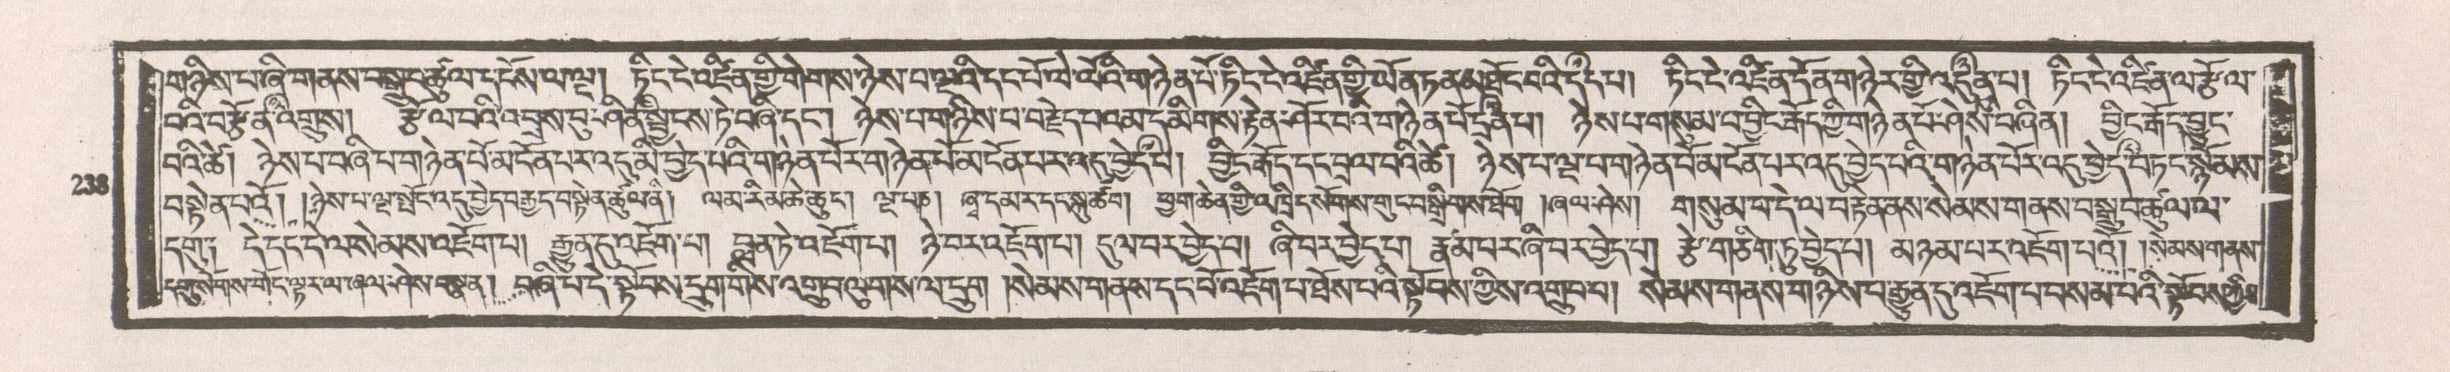གཉིས་པ་ཞི་གནས་བསྒྲུབ་ཚུལ་དངོས་ལ་ལྔ། ཏིང་ངེ་འཛིན་གྱི་གེགས་ཉེས་པ་ལྔའི་དང་པོ་ལེ་ལོའི་གཉེན་པོ་ཏིང་ངེ་འཛིན་གྱི་ཡོན་ཏན་མཐོང་བའི་དད་པ། ཏིང་ངེ་འཛིན་དོན་གཉེར་གྱི་འདུན་པ། ཏིང་ངེ་འཛིན་ལ་རྩོལ་
བའི་བརྩོན་འགྲུས། རྩོལ་བའི་འབྲས་བུ་ཤིན་སྦྱངས་ཏེ་བཞི་དང་། ཉེས་པ་གཉིས་པ་བརྗེད་པའམ་དམིགས་རྟེན་ཤོར་བའི་གཉེན་པོ་དྲན་པ། ཉེས་པ་གསུམ་པ་བྱིང་རྒོད་ཀྱི་གཉེན་པོ་ཤེས་བཞིན། བྱིང་རྒོད་བྱུང་
བའི་ཚེ། ཉེས་པ་བཞི་པ་གཉེན་པོ་མངོན་པར་འདུ་མི་བྱེད་པའི་གཉེན་པོར་གཉེན་པོ་མངོན་པར་འདུ་བྱེད་པ། བྱིང་རྒོད་དང་བྲལ་བའི་ཚེ། ཉེས་པ་ལྔ་པ་གཉེན་པོ་མངོན་པར་འདུ་བྱེད་པའི་གཉེན་པོར་འདུ་བྱེད་བཏང་སྙོམས་
བསྟེན་པོའོ། ། ཉེས་པ་ལྔ་སྤོང་འདུ་བྱེད་བརྒྱད་བསྟེན་ཚུལ་ནི། ལམ་རིམ་ཆེ་ཆུང་། ལྔ་པཎ། ཞྭ་དམར་དང་སྐུ་ཚབ། ཕྱག་ཆེན་གྱི་འཁྲིད་སོགས་གུང་བསྒྲིགས་ཐོག །ཞལ་ཤེས།  གསུམ་པ་དེ་ལ་བརྟེན་ནས་སེམས་གནས་བསྒྲུབ་ཚུལ་ལ་
དགུ༑ དེ་དང་དེ་ལ་སེམས་འཇོག་པ། རྒྱུན་དུ་འཇོག་པ། བླན་ཏེ་འཇོག་པ། ཉེ་བར་འཇོག་པ། དུལ་བར་བྱེད་པ། ཞི་བར་བྱེད་པ། རྣམ་པར་ཞི་བར་བྱེད་པ། རྩེ་གཅིག་ཏུ་བྱེད་པ། མཉམ་པར་འཇོག་པའོ། ། སེམས་གནས
དགུ་སོགས་གོང་ལྟར་ལ་ཞལ་ཤེས་བསྣན།  བཞི་པ་དེ་སྟོབས་དྲུག་གིས་འགྲུབ་ལུགས་ལ་དྲུག །སེམས་གནས་དང་པོ་འཇོག་པ་ཐོས་པའི་སྟོབས་ཀྱིས་འགྲུབ་པ། སེམས་གནས་གཉིས་པ་རྒྱུན་དུ་འཇོག་པ་བསམ་པའི་སྟོབས་ཀྱིས་